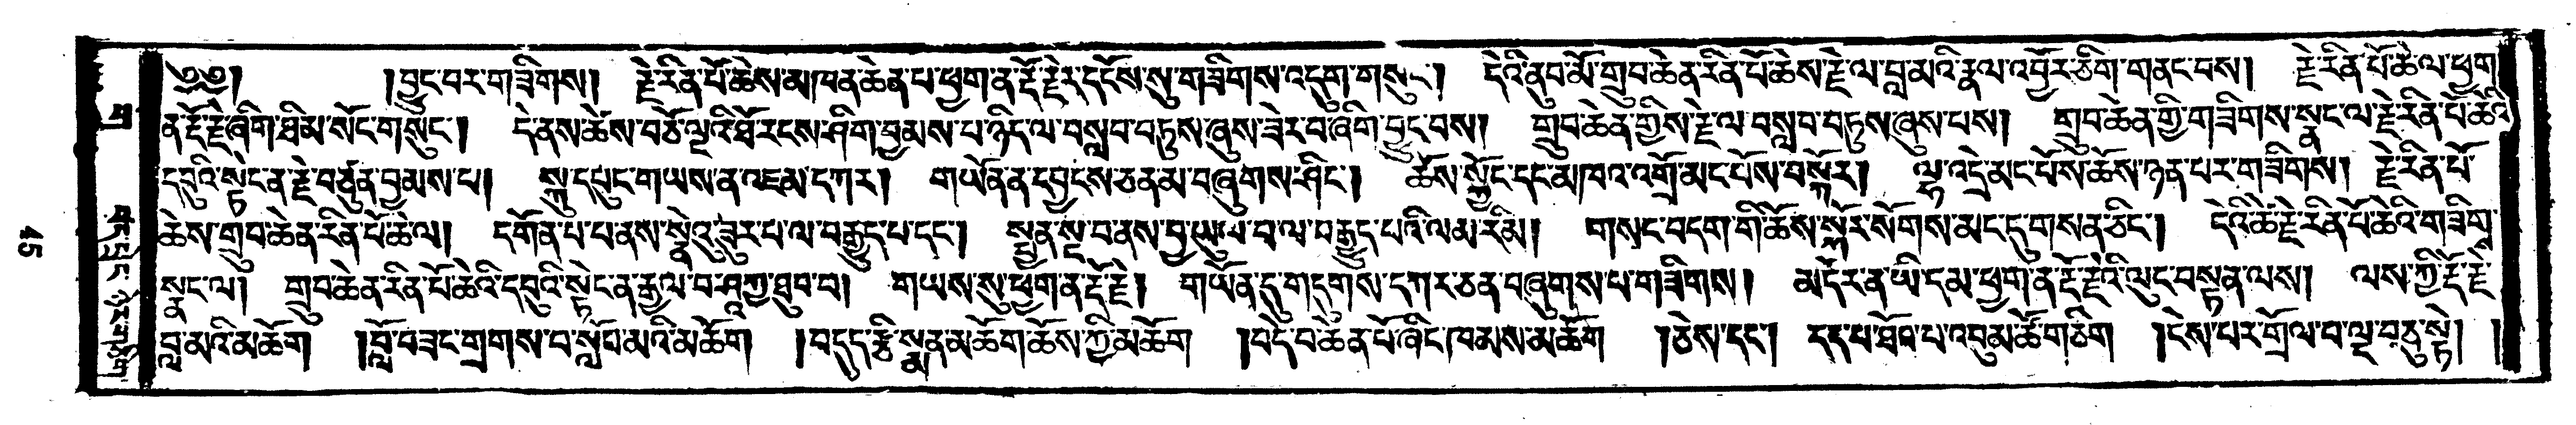༄༅། །བྱུང་བར་གཟིགས། རྗེ་རིན་པོ་ཆེས་མཁན་ཆེན་པ་ཕྱག་ན་རྡོ་རྗེར་དངོས་སུ་གཟིགས་འདུག་གསུང་། དེའི་ནུབ་མོ་གྲུབ་ཆེན་རིན་པོ་ཆེས་རྗེ་ལ་བླ་མའི་རྣལ་འབྱོར་ཅིག་གནང་བས། རྗེ་རིན་པོ་ཆེ་ལ་ཕྱག་
ན་རྡོ་རྗེ་ཞིག་ཐིམ་སོང་གསུང་། དེ་ནས་ཚེས་བཅོ་ལྔའི་ཐོ་རངས་ཤིག་བྱམས་པ་ཉིད་ལ་བསླབ་བཏུས་ཞུས་ཟེར་བ་ཞིག་བྱུང་བས། གྲུབ་ཆེན་གྱིས་རྗེ་ལ་བསླབ་བཏུས་ཞུས་པས། གྲུབ་ཆེན་གྱི་གཟིགས་སྣང་ལ་རྗེ་རིན་པོ་ཆེའི་
དབུའི་སྟེང་ན་རྗེ་བཙུན་བྱམས་པ། སྐུ་དཔུང་གཡས་ན་འཇམ་དཀར། གཡོན་ན་དབྱངས་ཅན་མ་བཞུགས་ཤིང་། ཆོས་སྐྱོང་དང་མཁའ་འགྲོ་མང་པོས་བསྐོར། ལྷ་འདྲེ་མང་པོས་ཆོས་ཉན་པར་གཟིགས། རྗེ་རིན་པོ་
ཆེས་གྲུབ་ཆེན་རིན་པོ་ཆེ་ལ། དགོན་པ་པ་ནས་སྣེའུ་ཟུར་པ་ལ་བརྒྱུད་པ་དང་། སྤྱན་སྔ་བ་ནས་བྱ་ཡུལ་བ་ལ་བརྒྱུད་པའི་ལམ་རིམ། གསང་བདག་གི་ཆོས་སྐོར་སོགས་མང་དུ་གསན་ཅིང་། དེའི་ཚེ་རྗེ་རིན་པོ་ཆེའི་གཟིགས་
སྣང་ལ། གྲུབ་ཆེན་རིན་པོ་ཆེའི་དབུའི་སྟེང་ན་རྒྱལ་བ་ཤཱཀྱ་ཐུབ་བ། གཡས་སུ་ཕྱག་ན་རྡོ་རྗེ། གཡོན་དུ་གདུགས་དཀར་ཅན་བཞུགས་པ་གཟིགས། མདོར་ན་ཡི་དམ་ཕྱག་ན་རྡོ་རྗེའི་ལུང་བསྟན་ལས། ལས་ཀྱི་རྡོ་རྗེ་
བླ་མའི་མཆོག །བློ་བཟང་གྲགས་བ་སློབ་མའི་མཆོག །བདུད་རྩི་སྨན་མཆོག་ཆོས་ཀྱི་མཆོག །བདེ་བ་ཆེན་པོ་ཞིང་ཁམས་མཆོག །ཅེས་དང་། དད་པ་ཐོབ་པ་འབུམ་ཚོ་གཅིག །ངེས་པར་གྲོལ་བ་ལྔ་བཅུ་སྟེ། །